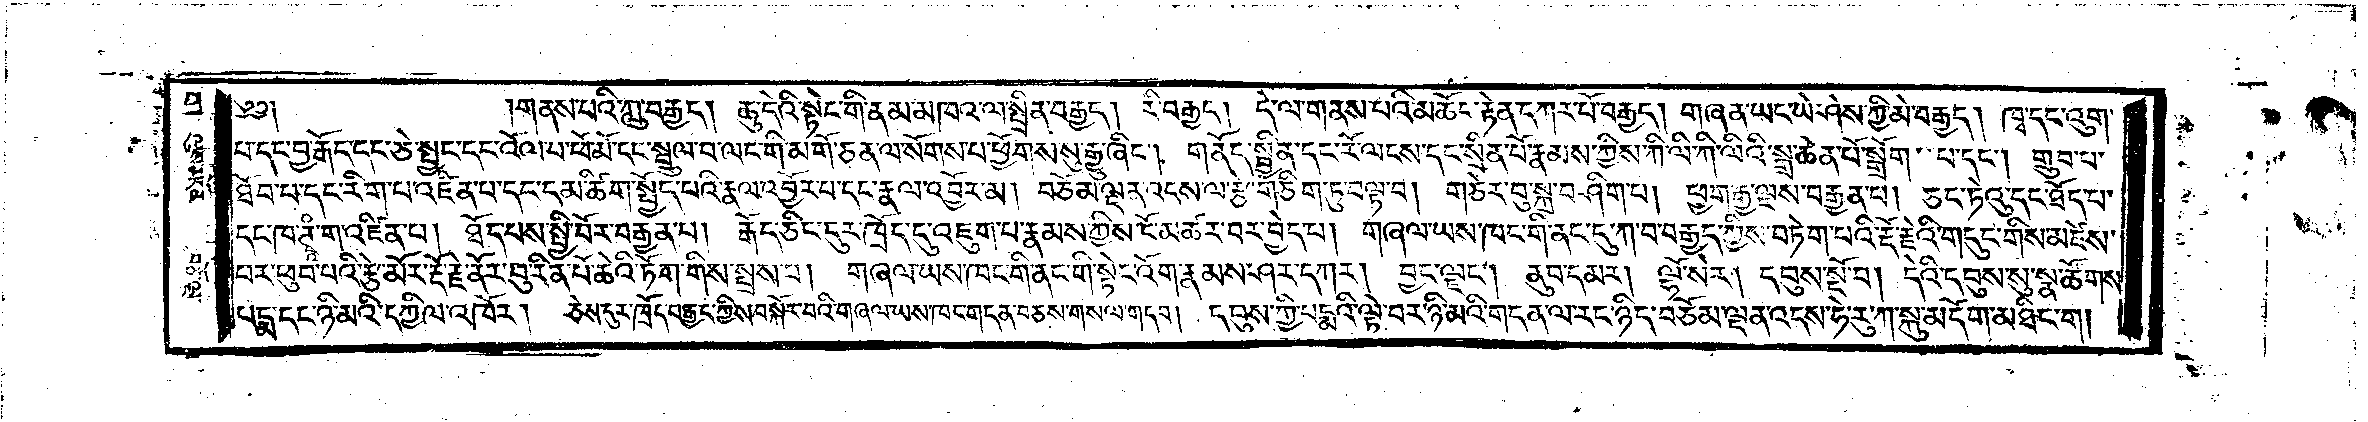༄༅། །གནས་པའི་ཀླུ་བརྒྱད། ཆུ་དེའི་སྟེང་གི་ནམ་མཁའ་ལ་སྤྲིན་བརྒྱད། རི་བརྒྱད། དེ་ལ་གནས་པའི་མཆོད་རྟེན་དཀར་པོ་བརྒྱད། གཞན་ཡང་ཡེ་ཤེས་ཀྱི་མེ་བརྒྱད། ཁྭ་དང་འུག་
པ་དང་བྱ་རྒོད་དང་ཅེ་སྤྱང་དང་འོལ་པ་ཕོ་མོ་དང་སྤྲུལ་བ་ལད་གི་མགོ་ཅན་ལ་སོགས་པ་ཕྱོགས་སུ་རྒྱུ་ཞིང་། གནོད་སྦྱིན་དང་རོ་ལངས་དང་སྲིན་པོ་རྣམས་ཀྱིས་ཀི་ལི་ཀི་ལིའི་སྒྲ་ཆེན་པོ་སྒྲོག་པ་དང་། གྲུབ་པ་
ཐོབ་པ་དང་རིག་པ་འཛིན་པ་དང་དམ་ཚིག་སྤྱོད་པའི་རྣལ་འབྱོར་པ་དང་རྣལ་འབྱོར་མ། བཅོམ་ལྡན་འདས་ལ་རྩེ་གཅིག་ཏུ་བལྟ་བ། གཅེར་བུ་སྐྲ་བཤིག་པ། ཕྱག་རྒྱ་ལྔས་བརྒྱན་པ། ཅང་ཏེའུ་དང་ཐོད་པ་
དང་ཁ་ཊྭཱཾ་ག་འཛིན་པ། ཐོད་པས་སྤྱི་བོར་བརྒྱན་པ། རྒོད་ཅིང་དུར་ཁྲོད་དུ་འཇུག་པ་རྣམས་ཀྱིས་ངོ་མཚར་བར་བྱེད་པ། གཞལ་ཡས་ཁང་གི་ནང་དུ་ཀ་བ་བརྒྱད་ཀྱིས་བཏེག་པའི་རྡོ་རྗེའི་གདུང་གིས་མཛེས་
པར་ཕུབ་པའི་རྩེ་མོར་རྡོ་རྗེ་ནོར་བུ་རིན་པོ་ཆེའི་ཏོག་གིས་སྤྲས་པ། གཞལ་ཡས་ཁང་གི་ནང་གི་སྟེང་འོག་རྣམས་ཤར་དཀར། བྱང་ལྗང་། ནུབ་དམར། ལྷོ་སེར། དབུས་སྔོ་བ། དེའི་དབུས་སུ་སྣ་ཚོགས་
པདམ་དང་ཉི་མའི་དཀྱིལ་འཁོར། ཅེས་དུར་ཁྲོད་བརྒྱད་ཀྱིས་བསྐོར་བའི་གཞལ་ཡས་ཁང་གདན་བཅས་གསལ་གདབ།  དབུས་ཀྱི་པདམའི་ལྟེ་བར་ཉི་མའི་གདན་ལ་རང་ཉིད་བཅོམ་ལྡན་འདས་ཧེ་རུ་ཀ་སྐུ་མདོག་མཐིང་ག །